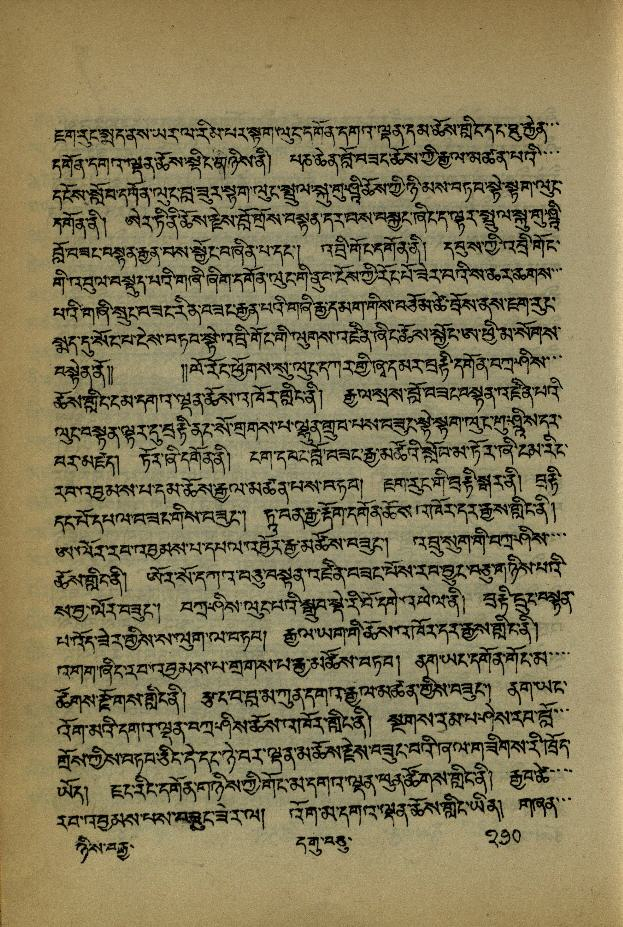ཇག་རུང་སྨད་ནས་ཡར་ལ་རིམ་པར་སྟག་ལུང་དགོན་དགའ་ལྡན་དམ་ཆོས་གླིང་དང་ཐུ་རྐྱེན་
དགོན་དགའ་ལྡན་ཆོས་སྡིང་གཉིས་ནི། པཎ་ཆེན་བློ་བཟང་ཆོས་ཀྱི་རྒྱལ་མཚན་པའི་
དངོས་སློབ་དགོན་ལུང་བླ་ཟུར་སྟག་ལུང་སྤྲུལ་སྐུ་གུ་ཤྲཱི་ཆོས་ཀྱི་ཉི་མས་བཏབ་སྟེ་སྟག་ལུང་
དགོན་ནི། ཨེར་ཏི་ནི་ཆོས་རྗེས་བློ་གྲོས་བསྟན་དར་བས་བསྐྱང་ཞིང་ད་ལྟར་སྤྲུལ་སྐུ་གུ་ཤྲཱི་
བློ་བཟང་བསྟན་རྒྱན་བས་སྐྱོང་བཞིན་པ་དང་། འབྲི་གོང་དགོན་ནི། དབུས་ཀྱི་འབྲི་གོང་
གི་འབུལ་བསྡུད་པའི་གཞི་ཞིག་དགོན་ལུང་གི་ནུབ་ངོས་ཀྱི་རོང་པོ་ཟེར་བའི་ས་ཆར་ཆགས་
པའི་གཞི་སྲུང་བཟང་རིན་བཟང་རྒྱན་པའི་གཞི་རྒྱ་དམག་གིས་བཅོམ་ཚེ་བྲོས་ནས་ཇག་རུང་
སྨད་དུ་སོང་བ་ངེས་བཏབ་སྟེ་འབྲི་གོང་གི་ལུགས་འཛིན་ཞིང་ཆོས་སྐྱོང་ཨ་ཕྱི་མ་སོགས་
བསྟེན་ནོ།། །།ཕོ་རོང་ཕྱོགས་སུ་ལུང་དཀར་གྱི་ཞྭ་དམར་བྲརྟི་དགོན་བཀྲ་ཤིས་
ཆོས་གླིང་ངམ་དགའ་ལྡན་ཆོས་འཁོར་གླིང་ནི། རྒྱལ་སྲས་བློ་བཟང་བསྟན་འཛིན་པའི་
ལུང་བསྟན་ལྟར་དུ་བྲརྟི་ནང་སོ་གྲགས་པ་ལྷུན་གྲུབ་པས་བཟུང་སྟེ་སྟག་ལུང་གུ་ཤྲཱི་ས་དར་
བར་མཛད། ཏོར་ཞི་དགོན་ནི། ངག་དབང་བློ་བཟང་རྒྱ་མཚོའི་སློབ་མ་ཏོར་ཞི་ངམ་རིང་
རབ་འབྱམས་པ་དམ་ཆོས་རྒྱལ་མཚན་པས་བཏབ། ཇག་རུང་གི་བྲརྟི་སྒར་ནི། བྲརྟི་
དང་པོ་དཔལ་བཟང་གིས་བཟུང་། ཏཱ་བན་རྒྱ་རྡོག་དགོན་ཆོས་འཁོར་དར་རྒྱས་གླིང་ནི།
ཨ་ལོར་རབ་འབྱམས་པ་དཔལ་འབྱོར་རྒྱ་མཚོས་བཟུང་། འབྲུ་སུག་གི་བཀྲ་ཤིས་
ཆོས་གླིང་ནི། ཨོར་སོ་དཀའ་བཅུ་བསྟན་འཛིན་བཟང་པོས་རབ་བྱུང་བཅུ་གཉིས་པའི་
ས་བྱ་ལོར་བཟུང་། བཀྲ་ཤིས་ལུང་པའི་སྒྲུབ་སྡེ་རི་བོ་དགེ་འཕེལ་ནི། བྲརྟི་དྲུང་བསྟན་
པ་འོད་ཟེར་གྱིས་ས་ལུག་ལ་བཏབ། རྒྱལ་ཡག་གི་ཆོས་འཁོར་དར་རྒྱས་གླིང་ནི།
འགག་ཞིང་རབ་འབྱམས་པ་གྲགས་པ་རྒྱ་མཚོས་བཏབ། ནག་ཡང་དགོན་གོང་མ་
ཚོགས་རྫོགས་གླིང་ནི། རྩང་བ་བླ་མ་ཀུན་དགའ་རྒྱལ་མཚན་གྱིས་བཟུང་། ནག་ཡང་
འོག་མའི་དགའ་ལྡན་བཀྲ་ཤིས་ཆོས་འཁོར་གླིང་ནི། སྔགས་རམ་པ་ཤེས་རབ་བློ་
གྲོས་ཀྱིས་བཏབ་ཅིང་དེ་དང་ཉེ་བར་ལྡན་མ་ཆོས་རྗེས་བཟུང་བའི་ཞལ་གཟིགས་རི་ཁྲོད་
ཡོད། ཇང་རིང་དགོན་གཉིས་ཀྱི་གོང་མ་དགའ་ལྡན་ཕུན་ཚོགས་གླིང་ནི། རྒྱབ་ཚེ་
རབ་འབྱམས་པས་བཟུང་ཟེར་ལ། འོག་མ་དགའ་ལྡན་ཆོས་གླིང་ཡིན། གཞན་